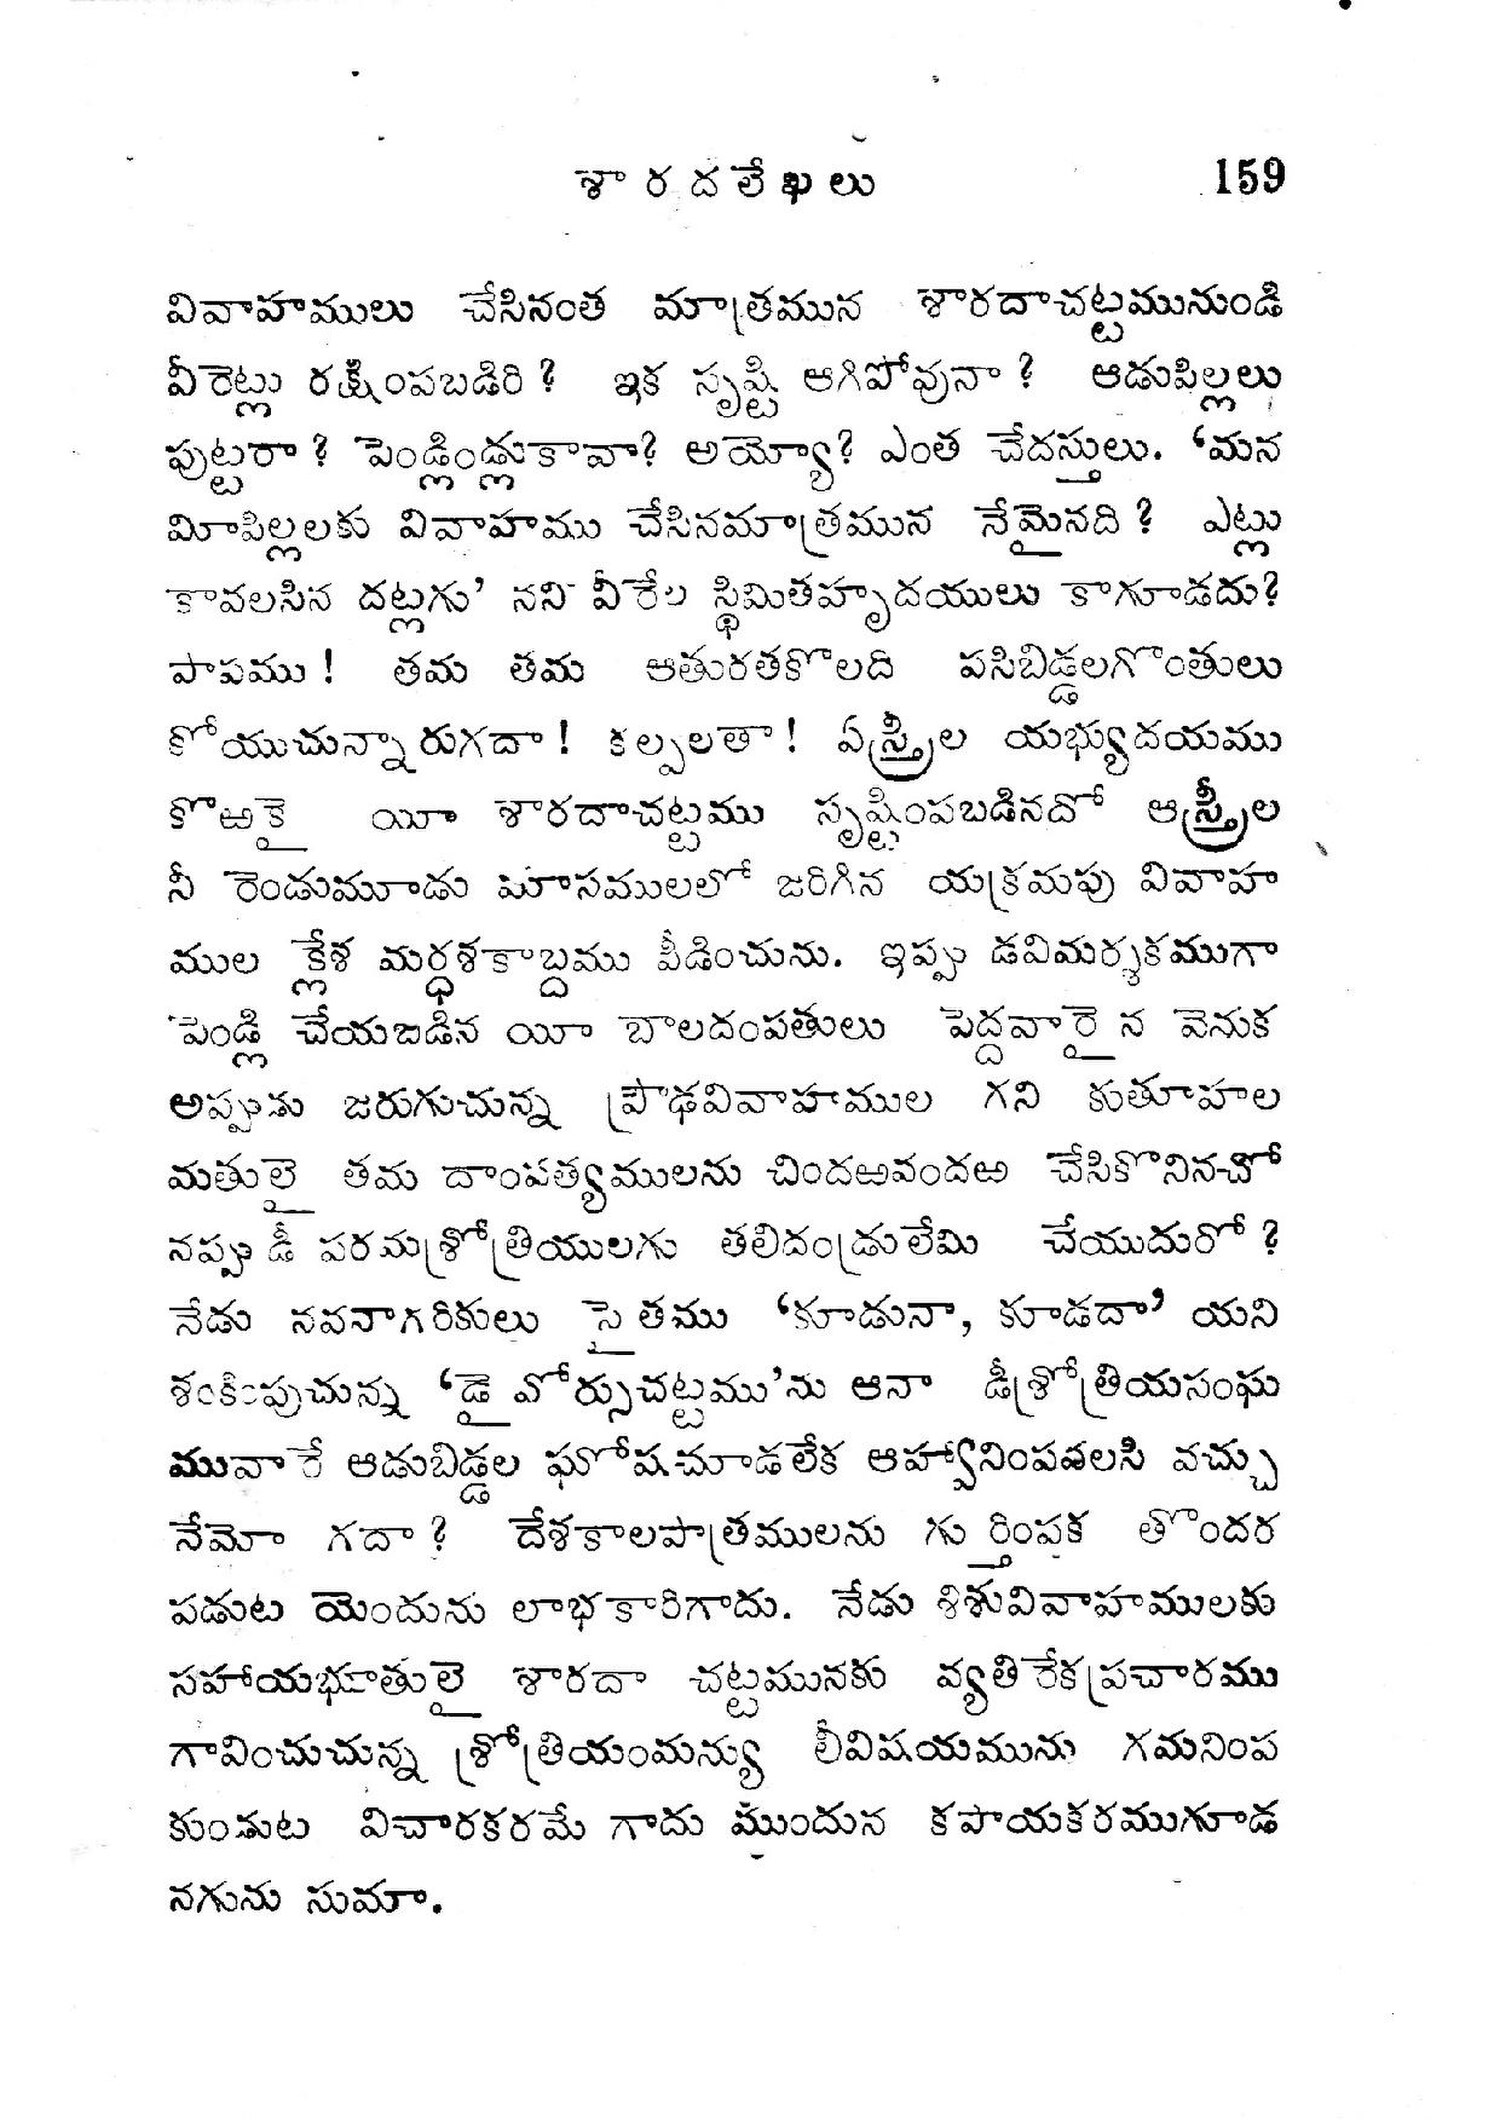వివాహములు చేసినంత మాత్రమున శారదాచట్టమునుండి వీరెట్లు రక్షింపబడిరి ? ఇక సృష్టి ఆగిపోవునా? ఆడుపిల్లలు పుట్టరా ? పెండ్లిండ్లుకావా? అయ్యో? ఎంత చేదస్తులు. 'మన మీపిల్లలకు వివాహము చేసినమాత్రమున నేమైనది? ఎట్లు కావలసిన దట్లగు' నని వీరేల స్థిమితహృదయులు కాగూడదు?
పాపము ! తమ తమ ఆతురతకొలది పసిబిడ్డలగొంతులు కోయుచున్నారుగదా! కల్పలతా! ఏస్త్రీల యభ్యుదయము కొఱకై యీ శారదాచట్టము సృష్టింపబడినదో ఆస్త్రీల నీ రెండుమూడు మాసములలో జరిగిన యక్రమపు వివాహముల క్లేశ మర్ధశకాబ్దము పీడించును. ఇప్పు డవిమర్శకముగా పెండ్లి చేయబడిన యీ బాలదంపతులు పెద్దవారైన వెనుక అప్పుడు జరుగుచున్న ప్రౌఢవివాహముల గని కుతూహలమతులై తమ దాంపత్యములను చిందఱవందఱ చేసికొనినచో నప్పు డీ పరమశ్రోత్రియులగు తలిదండ్రులేమి చేయుదురో ?
నేడు నవనాగరికులు సైతము 'కూడునా, కూడదా' యని శంకింపుచున్న 'డై వోర్సుచట్టము'ను ఆనా డీశ్రోత్రియసంఘమువారే ఆడుబిడ్డల ఘోషచూడలేక ఆహ్వానింపవలసి వచ్చునేమో గదా? దేశకాలపాత్రములను గుర్తింపక తొందరపడుట యెందును లాభకారిగాదు. నేడు శిశువివాహములకు
సహాయభూతులై శారదా చట్టమునకు వ్యతిరేకప్రచారము గావించుచున్న శ్రోత్రియంమన్యు లీవిషయమును గమనింపకుండుట విచారకరమే గాదు ముందున కపాయకరముగూడ నగును సుమా.